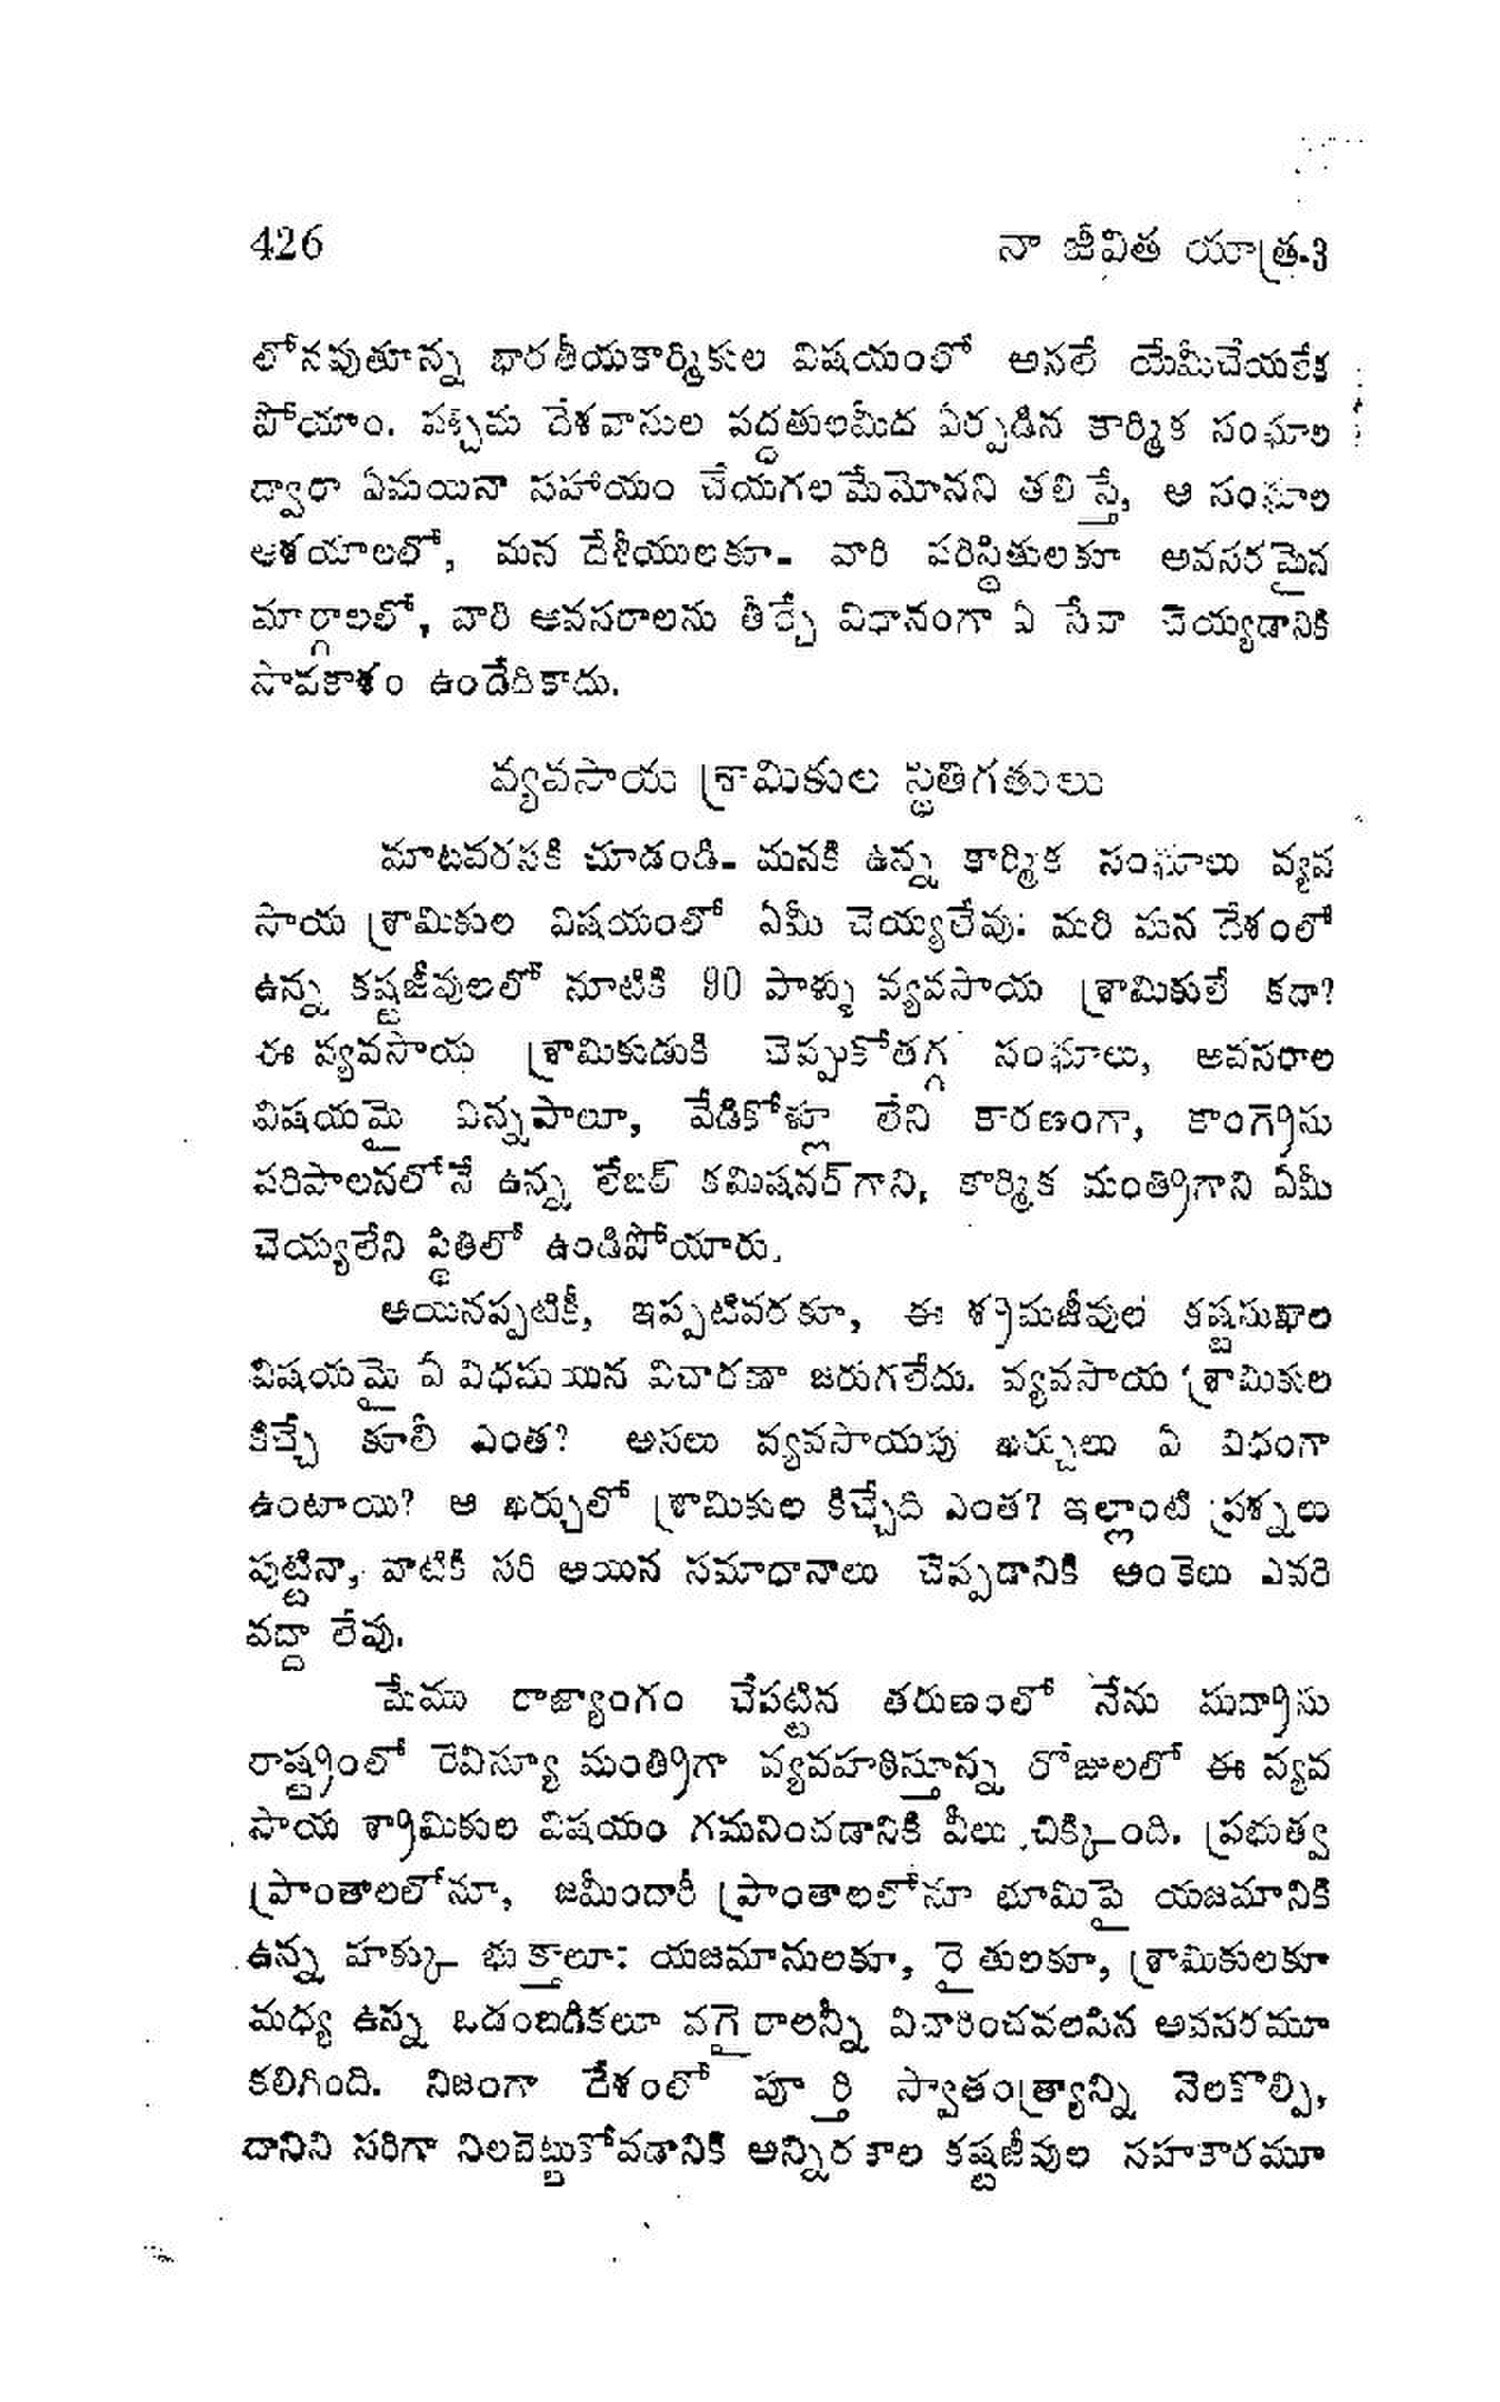లోనవుతూన్న భారతీయకార్మికుల విషయంలో అసలే యేమీచేయలేక పోయాం. పశ్చిమ దేశవాసుల పద్ధతులమీద ఏర్పడిన కార్మిక సంఘాల ద్వారా ఏమయినా సహాయం చేయగలమేమోనని తలిస్తే, ఆ సంఘాల ఆశయాలలో, మన దేశీయులకూ - వారి పరిస్థితులకూ అవసరమైన మార్గాలలో, వారి అవసరాలను తీర్చే విధానంగా ఏ సేవా చెయ్యడానికి సావకాశం ఉండేదికాదు.

మాటవరసకి చూడండి - మనకి ఉన్న కార్మిక సంఘాలు వ్యవసాయ శ్రామికుల విషయంలో ఏమీ చెయ్యలేవు. మరి మన దేశంలో ఉన్న కష్టజీవులలో నూటికి 90 పాళ్ళు వ్యవసాయ శ్రామికులే కదా? ఈ వ్యవసాయ శ్రామికుడుకి చెప్పుకోతగ్గ సంఘాలు, అవసరాల విషయమై విన్నపాలూ, వేడికోళ్లూ లేని కారణంగా, కాంగ్రెసు పరిపాలనలోనే ఉన్న లేబర్ కమిషనర్‌గాని, కార్మిక మంత్రిగాని ఏమీ చెయ్యలేని స్థితిలో ఉండిపోయారు.

అయినప్పటికీ, ఇప్పటివరకూ, ఈ శ్రమజీవుల కష్టసుఖాల విషయమై ఏ విధమయిన విచారణా జరుగలేదు. వ్యవసాయ శ్రామికుల కిచ్చే కూలీ ఎంత? అసలు వ్యవసాయపు ఖర్చులు ఏ విధంగా ఉంటాయి? ఆ ఖర్చులో శ్రామికుల కిచ్చేది ఎంత? ఇల్లాంటి ప్రశ్నలు పుట్టినా, వాటికి సరి అయిన సమాధానాలు చెప్పడానికి అంకెలు ఎవరివద్దా లేవు.

మేము రాజ్యాంగం చేపట్టిన తరుణంలో నేను మద్రాసు రాష్ట్రంలో రెవిన్యూ మంత్రిగా వ్యవహరిస్తూన్న రోజులలో ఈ వ్యవసాయ శ్రామికుల విషయం గమనించడానికి వీలు చిక్కింది. ప్రభుత్వ ప్రాంతాలలోనూ, జమీందారీ ప్రాంతాలలోనూ భూమిపై యజమానికి ఉన్న హక్కు భుక్తాలూ: యజమానులకూ, రైతులకూ, శ్రామికులకూ మధ్య ఉన్న ఒడంబడికలూ వగైరాలన్నీ విచారించవలసిన అవసరమూ కలిగింది. నిజంగా దేశంలో పూర్తి స్వాతంత్ర్యాన్ని నెలకొల్పి, దానిని సరిగా నిలబెట్టుకోవడానికి అన్నిరకాల కష్టజీవుల సహకారమూ